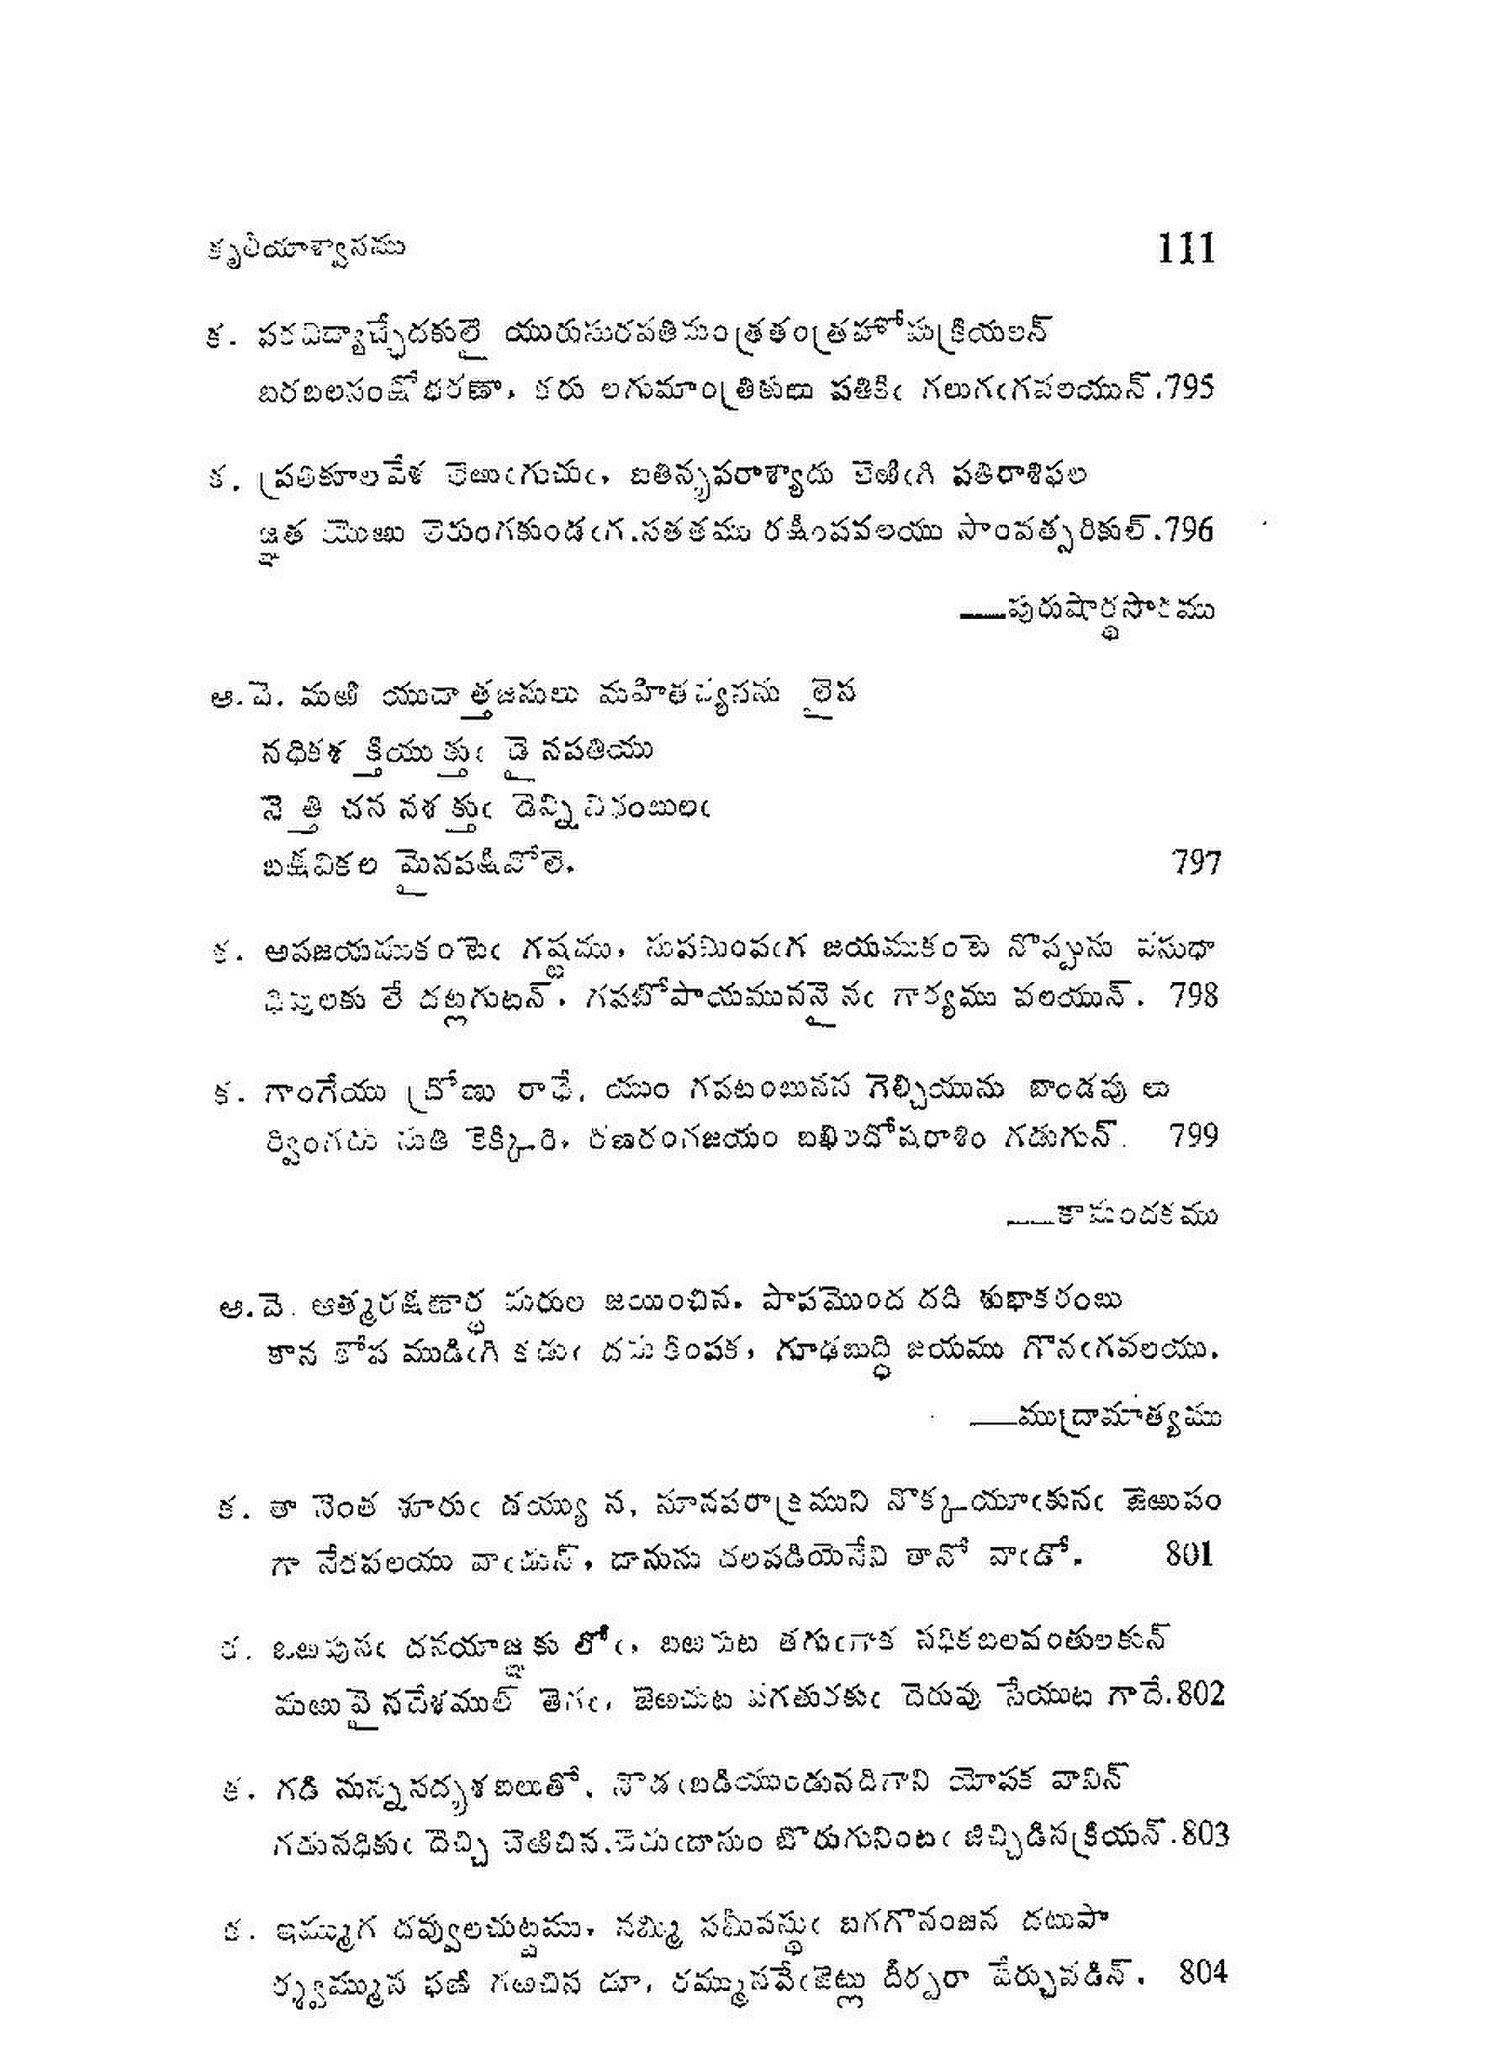క. పరవిద్యాచ్ఛేదకులై
యురుసురపతిమంత్రతంత్రహోమక్రియలన్
బరబలసంక్షోభరణా
కరు లగు మాంత్రికులు పతికిఁ గలుగఁగవలయున్. 795

క. ప్రతికూలవేళ లెఱుఁగుచుఁ
బతినృపరాశ్యాదు లెఱిఁగి పతిరాశిఫల
జ్ఞత యొఱు లెరుంగకుండఁగ
సతతము రక్షింపవలయు సాంవత్సరికుల్. 796

ఆ. మఱి యుదాత్తజనులు మహితవ్యసను లైన
నధికశక్తియుక్తుఁ డైన పతియు
నెత్తి చన నశక్తుఁ డెన్నివిధంబులఁ
బక్షవికల మైన పక్షివోలె. 797

క. అపజయముకంటెఁ గష్టము
నుపమింపఁగ జయముకంటె నొప్పును వసుధా
ధిపులకు లే దట్లగుటన్
గపటోపాయమునైనఁ గార్యము వలయున్. 798

క. గాంగేయు ద్రోణు రాధే
యుం గపటంబునన్ గెల్చుయును బాండవు లు
ర్విం గడు నుతి కెక్కిరి
రణరంగజయం బఖిలదోషరాశిం గడుగున్. 799

ఆ. ఆత్మరక్షణార్థ మరుల జయించిన
పాప మొంద దది శుభాకరంబు
కాన కోప ముడిఁగి కడుఁ దమ కింపక
గూఢబుద్ధి జయము గొనగవలయు. 800

క. తా నెంత శూరుఁ డయ్యు న
నూనపరాక్రముని నొక్కయూఁకునఁ జెఱుపం
గా నేరవలయు వాఁడున్
దానును దలపడియేని తానో వాఁడో. 801

క. ఒఱవపనఁ దనయాజ్ఞకు లోఁ
బఱచుట తగుఁగాక నధికబలవంతులకున్
మఱువైన దేశముల్ తెగఁ
జెఱచుట పగతురకుఁ దెరువు సేయుట గాదే. 802

క. గడి నున్న సదృశబలుతో
నొడఁబడియుండునదిగాని యోపక వానిన్
గడునధికుఁ దెచ్చి చెఱిచిన
చెడుఁ దానుం బొరుగునింటఁ జిచ్చిడిన క్రియన్. 803

క. ఇమ్ముగ దవ్వులచుట్టము
నమ్మి సమీపస్థుఁ బగగొనంజన దటుపా
ర్శ్వమ్మున ఫణి గఱచిన దూ
రమ్మునవేఁజెట్లు దీర్పారా వేర్చువడిన్. 804